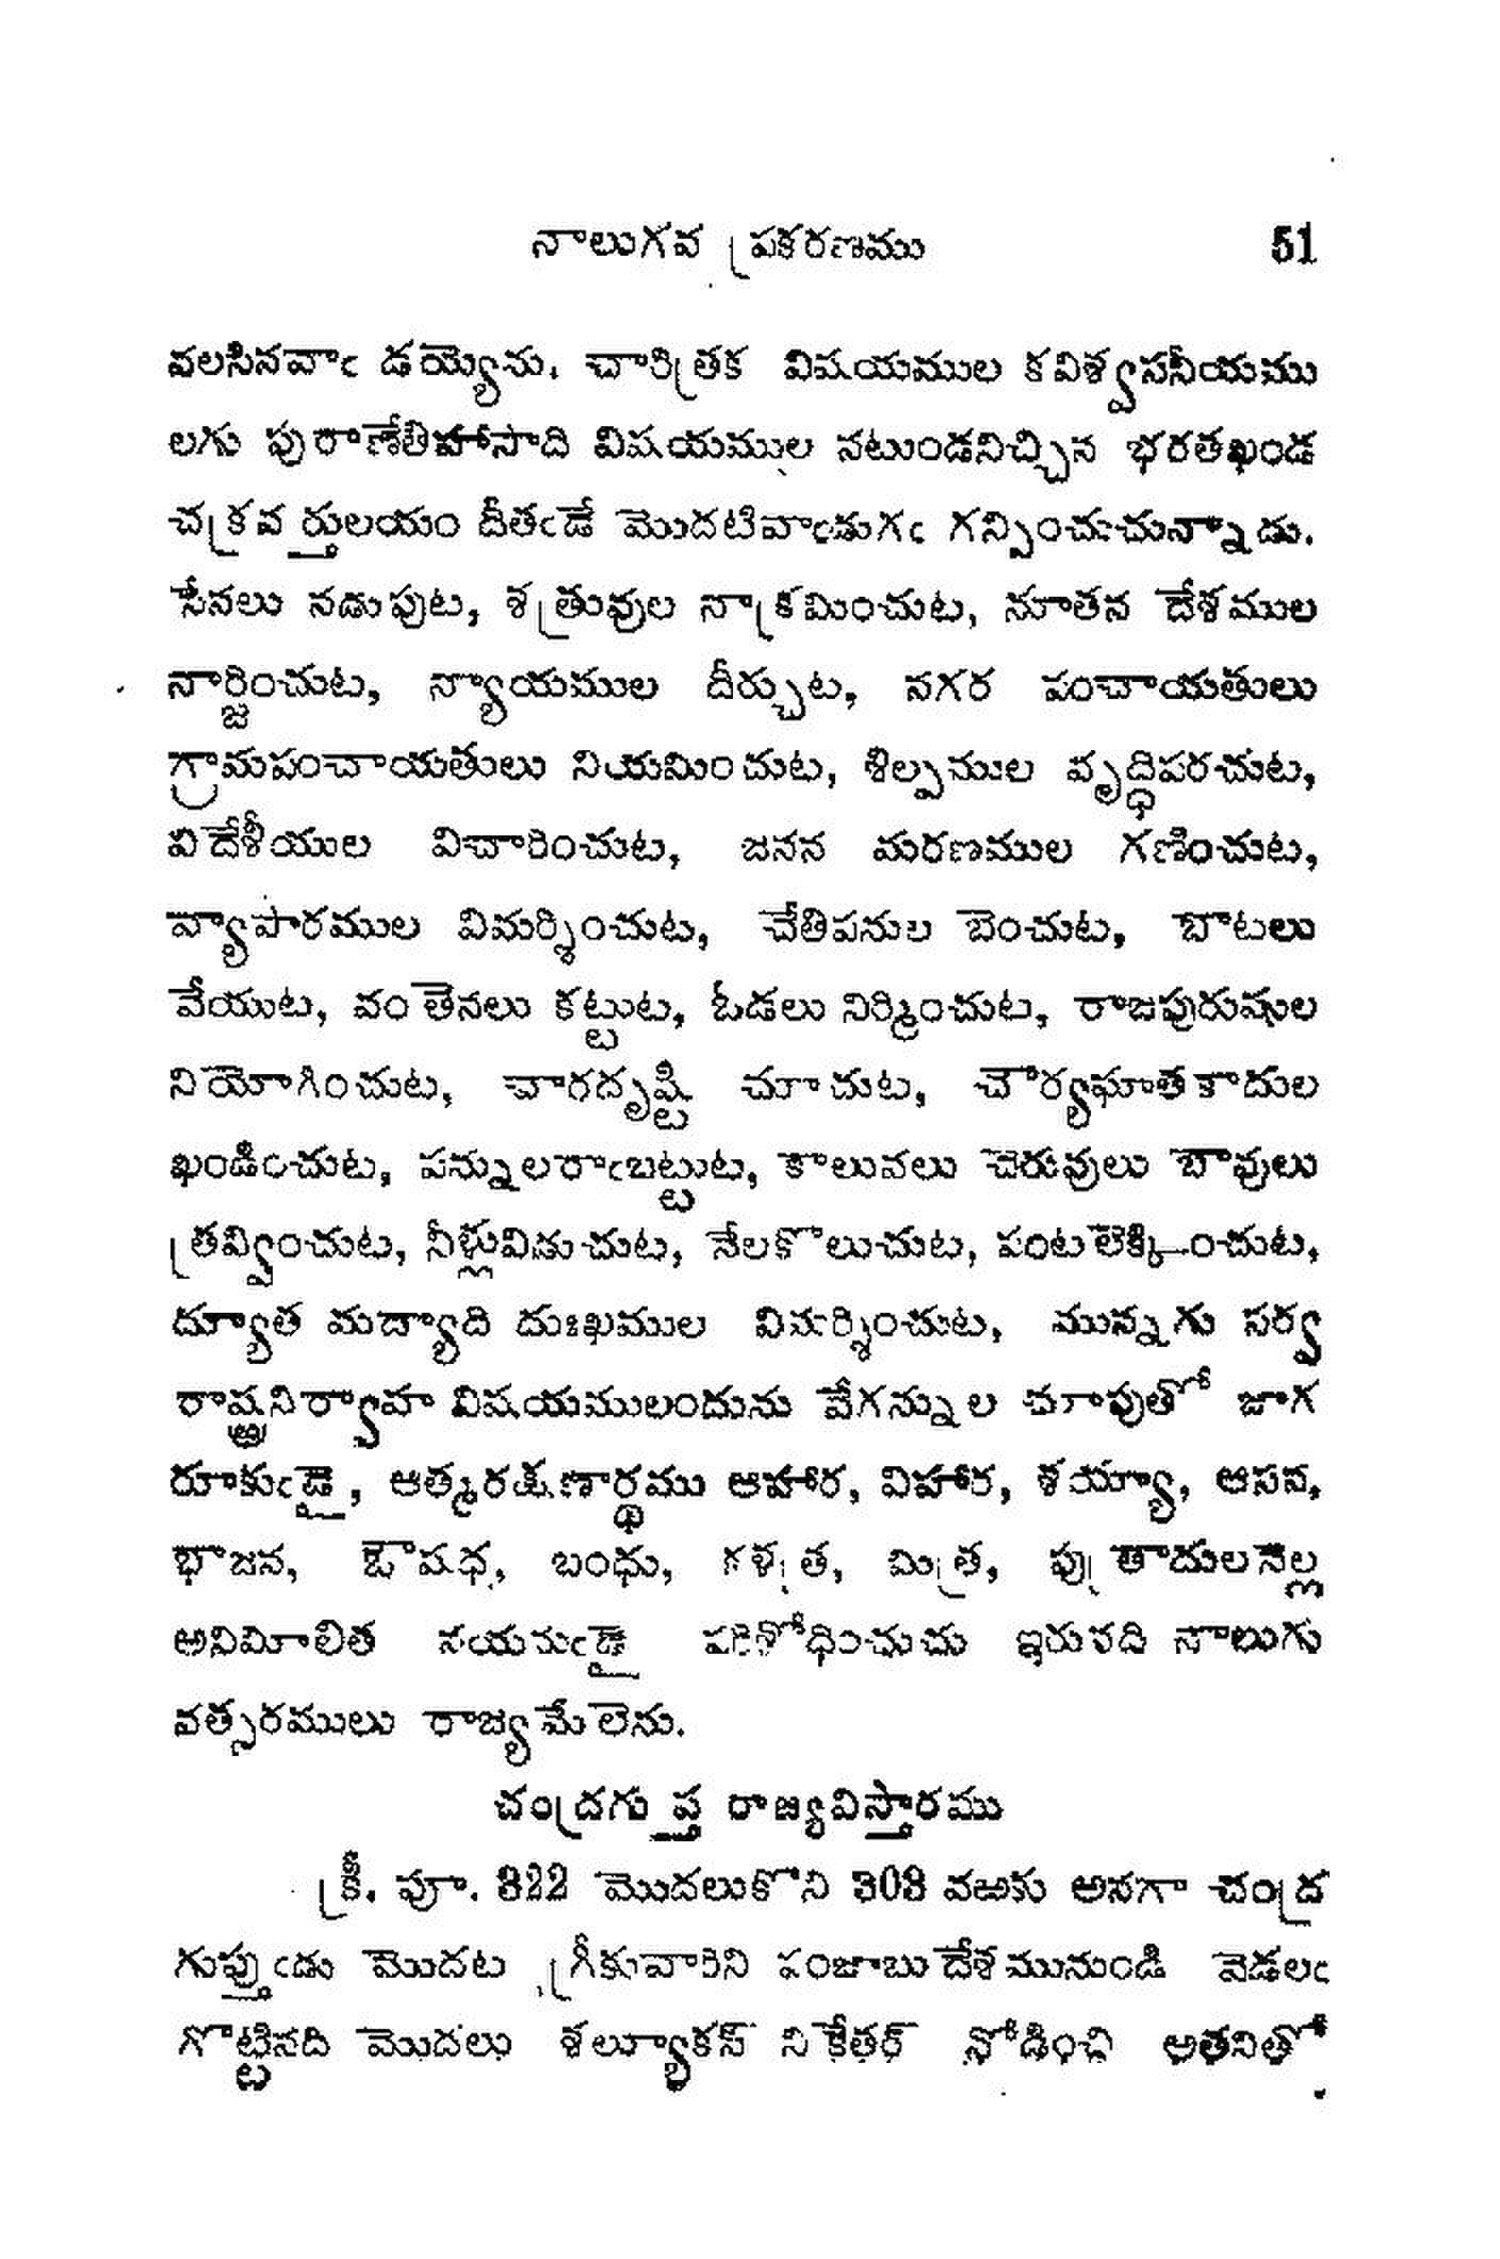వలసినవాఁ డయ్యెను. చారిత్రక విషయముల కవిశ్వసనీయములగు పురాణేతిహాసాది విషయముల నటుండనిచ్చిన భరతఖండ చక్రవర్తులయం దీతఁడే మొదటివాఁడుగఁ గన్పించుచున్నాడు. సేనలు నడుపుట, శత్రువుల నాక్రమించుట, నూతన దేశముల నార్జించుట, న్యాయముల దీర్చుట, నగర పంచాయతులు గ్రామపంచాయతులు నియమించుట, శిల్పముల వృద్ధిపరచుట, విదేశీయుల విచారించుట, జనన మరణముల గణించుట, వ్యాపారముల విమర్శించుట, చేతిపనుల బెంచుట, బాటలు వేయుట, వంతెనలు కట్టుట, ఓడలు నిర్మించుట, రాజపురుషుల నియోగించుట, చారదృష్టి చూచుట, చౌర్యఘాతకాదుల ఖండించుట, పన్నులరాఁబట్టుట, కాలువలు చెరువులు బావులు త్రవ్వించుట, నీళ్లువిడుచుట, నేలకొలుచుట, పంట లెక్కించుట, ద్యూత మద్యాది దుఃఖముల విమర్శించుట, మున్నగు సర్వ రాష్ట్రనిర్వాహ విషయములందును వేగన్నుల చూపుతో జాగ రూకుఁడై , ఆత్మరక్షణార్థము ఆహార, విహార, శయ్యా, ఆసన, భాజన, ఔషధ, బంధు, కళత్ర, మిత్ర, పుత్రాదులనెల్ల అనిమీలిత నయనుఁడై పరిశోధించుచు ఇరువది నాలుగు వత్సరములు రాజ్యమేలెను.

చంద్రగుప్త రాజ్యవిస్తారము 

క్రీ. పూ. 322 మొదలుకొని 303 వఱకు అనగా చంద్రగుప్తుఁడు. మొదట గ్రీకువారిని పంజూబు దేశమునుండి వెడలఁగొట్టినది మొదలు శల్యూకస్ నికేతర్ నోడించి అతనితో